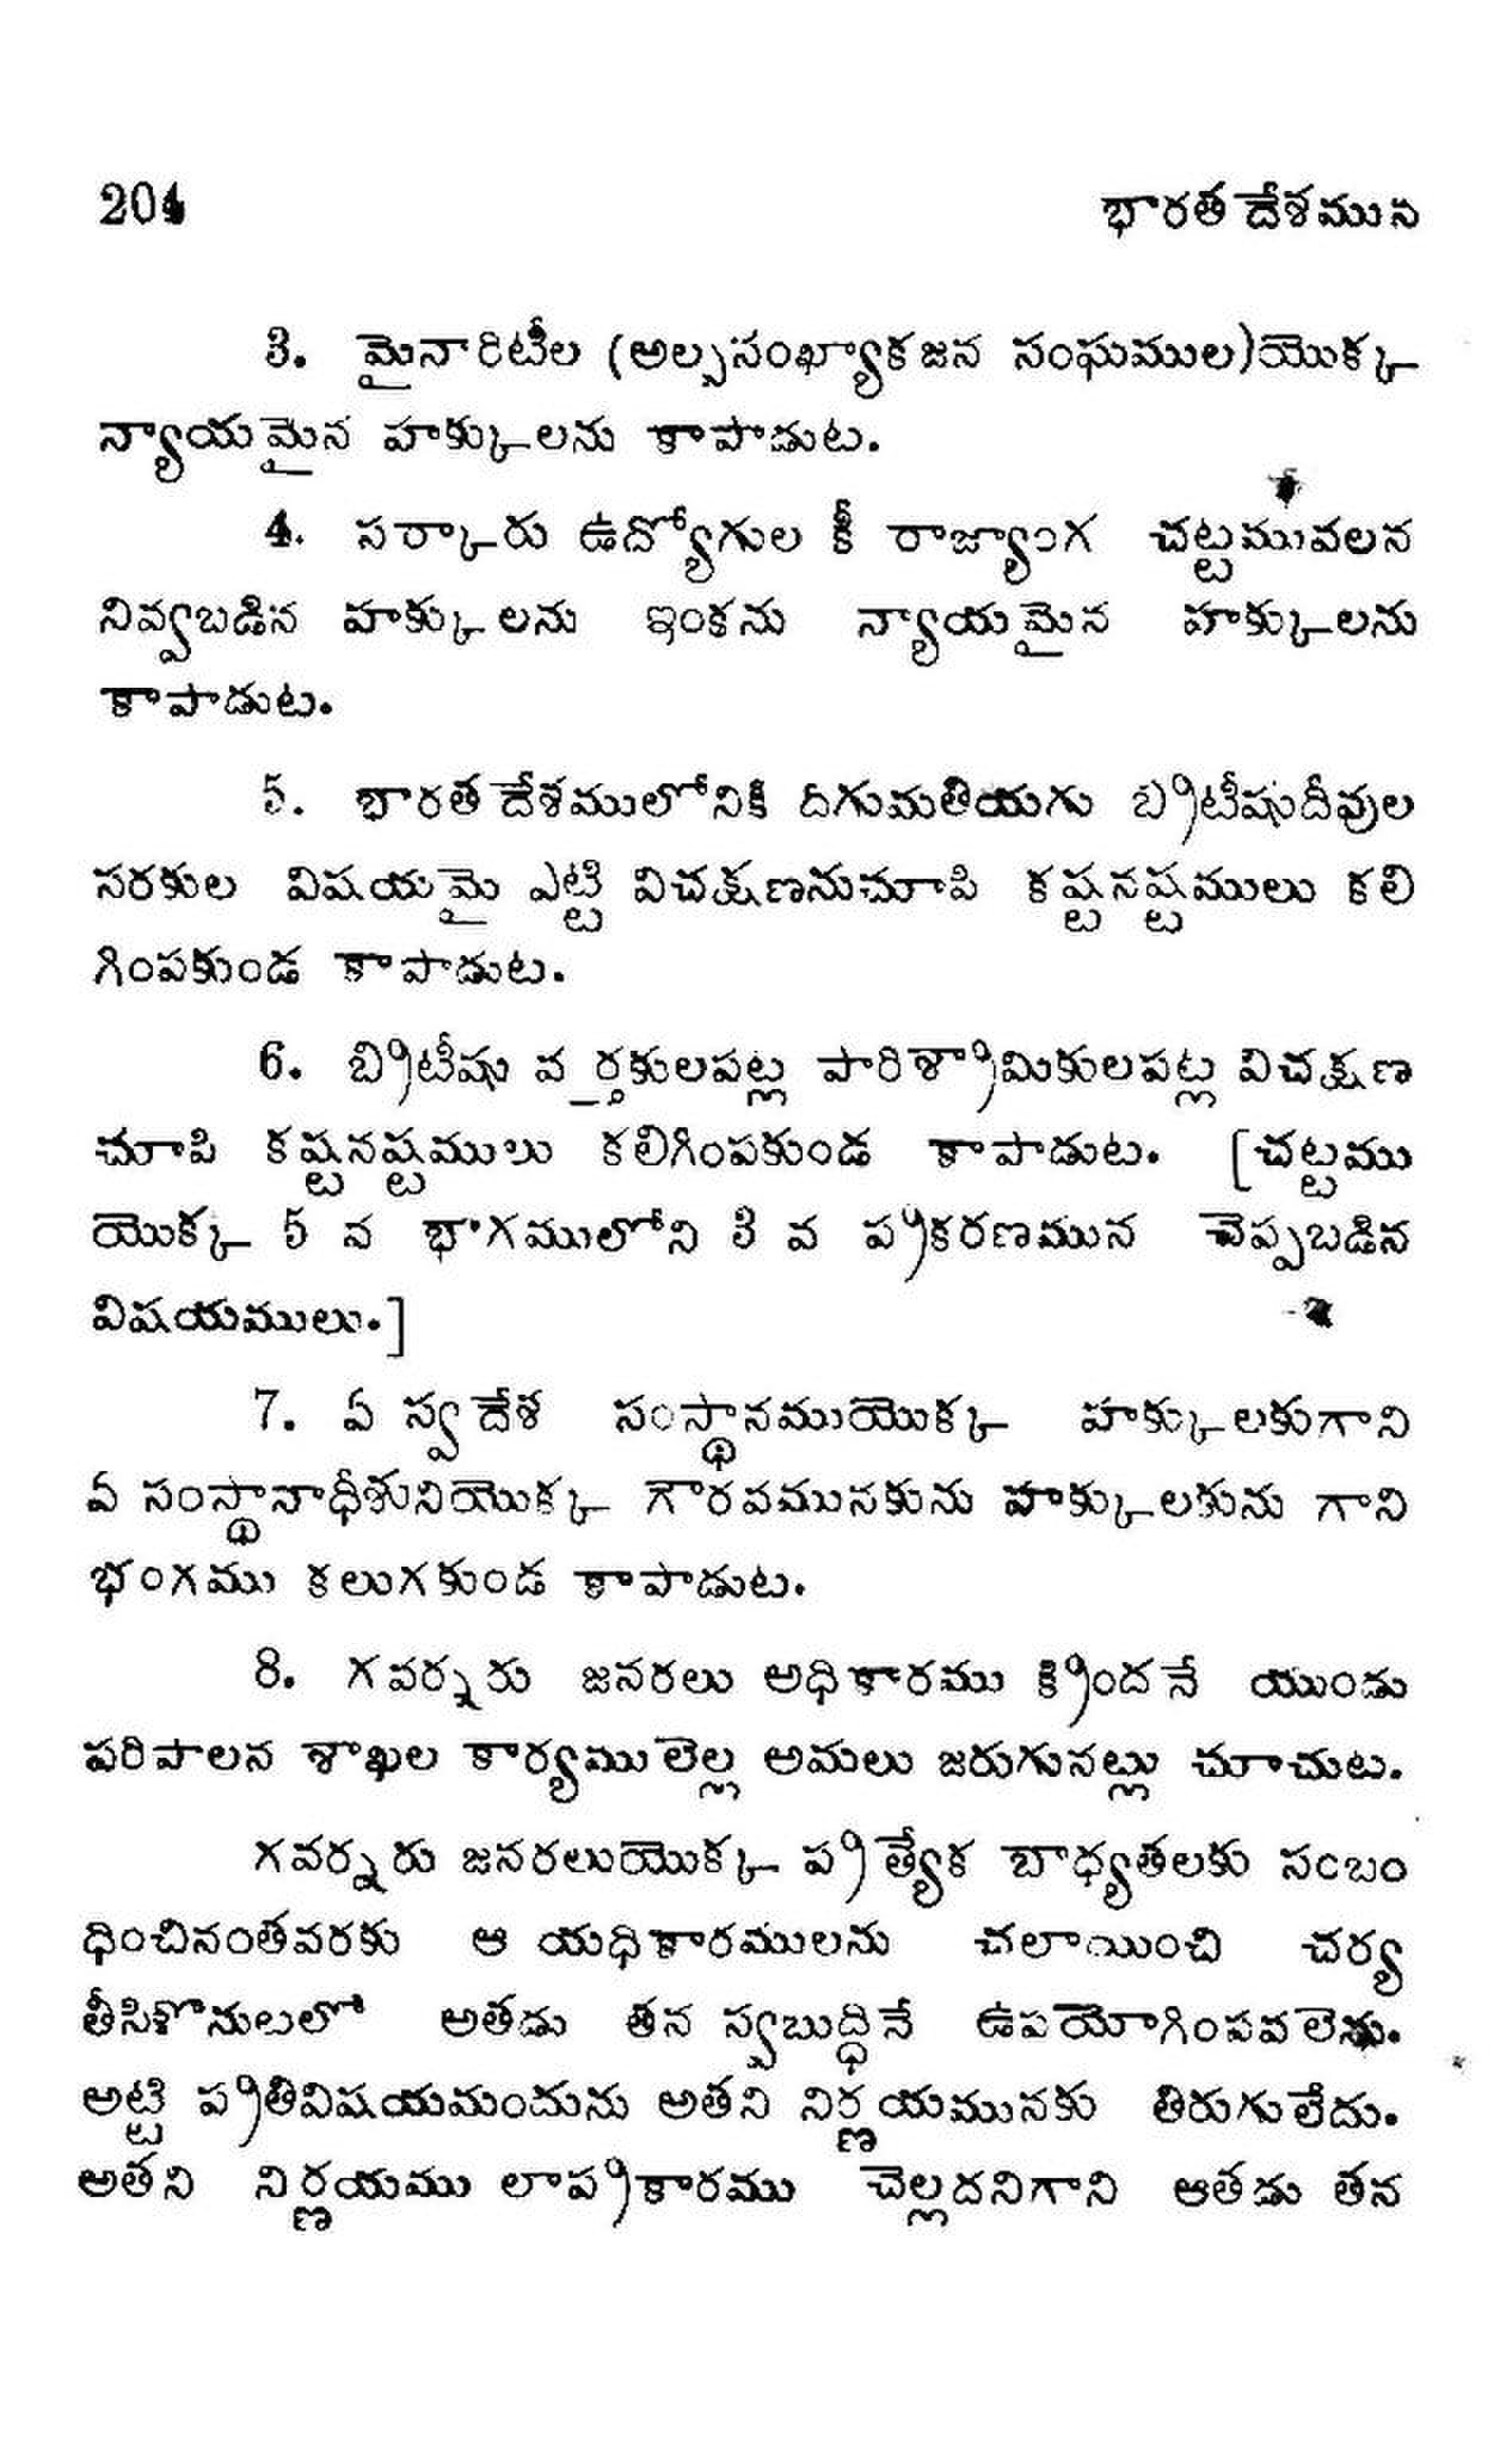3. మైనారిటీల (అల్పసంఖ్యాకజన సంఘముల) యొక్క న్యాయమైన హక్కులను కాపాడుట.

4. సర్కారు ఉద్యోగుల కీ రాజ్యాంగ చట్టమువలన నివ్వబడిన హక్కులను ఇంకను న్యాయమైన హక్కులను కాపాడుట.

5. భారతదేశములోనికి దిగుమతియగు బ్రిటీషుదీవుల సరకుల విషయమై ఎట్టి విచక్షణనుచూపి కష్టనష్టములు కలిగింపకుండ కాపాడుట.

6. బ్రిటీషు వర్తకులపట్ల పారిశ్రామికులపట్ల విచక్షణ చూపి కష్టనష్టములు కలిగింపకుండ కాపాడుట. (చట్టము
యొక్క 5 వ భాగములోని 3 వ ప్రకరణమున చెప్పబడిన విషయములు.)

7. ఏ స్వదేశ సంస్థానముయొక్క హక్కులకుగాని ఏ సంస్థానాధీశునియొక్క గౌరవమునకును హక్కులగును గాని భంగము కలుగకుండ కాపాడుట.

8. గవర్నరు జనరలు అధికారము క్రిందనే యుండు పరిపాలన శాఖల కార్యములెల్ల అమలు జరుగునట్లు చూచుట.

గవర్నరు జనరలుయొక్క ప్రత్యేక బాధ్యతలకు సంబంధించినంతవరకు ఆ యధికారములను చలాయించి చర్య తీసికొనులలో అతడు తన స్వబుద్దినే ఉపయోగింపవలెను. అట్టి ప్రతివిషయమందును అతని నిర్ణయమునకు తిరుగులేదు. అతని నిర్ణయము లాప్రకారము చెల్లదనిగాని ఆతడు తన